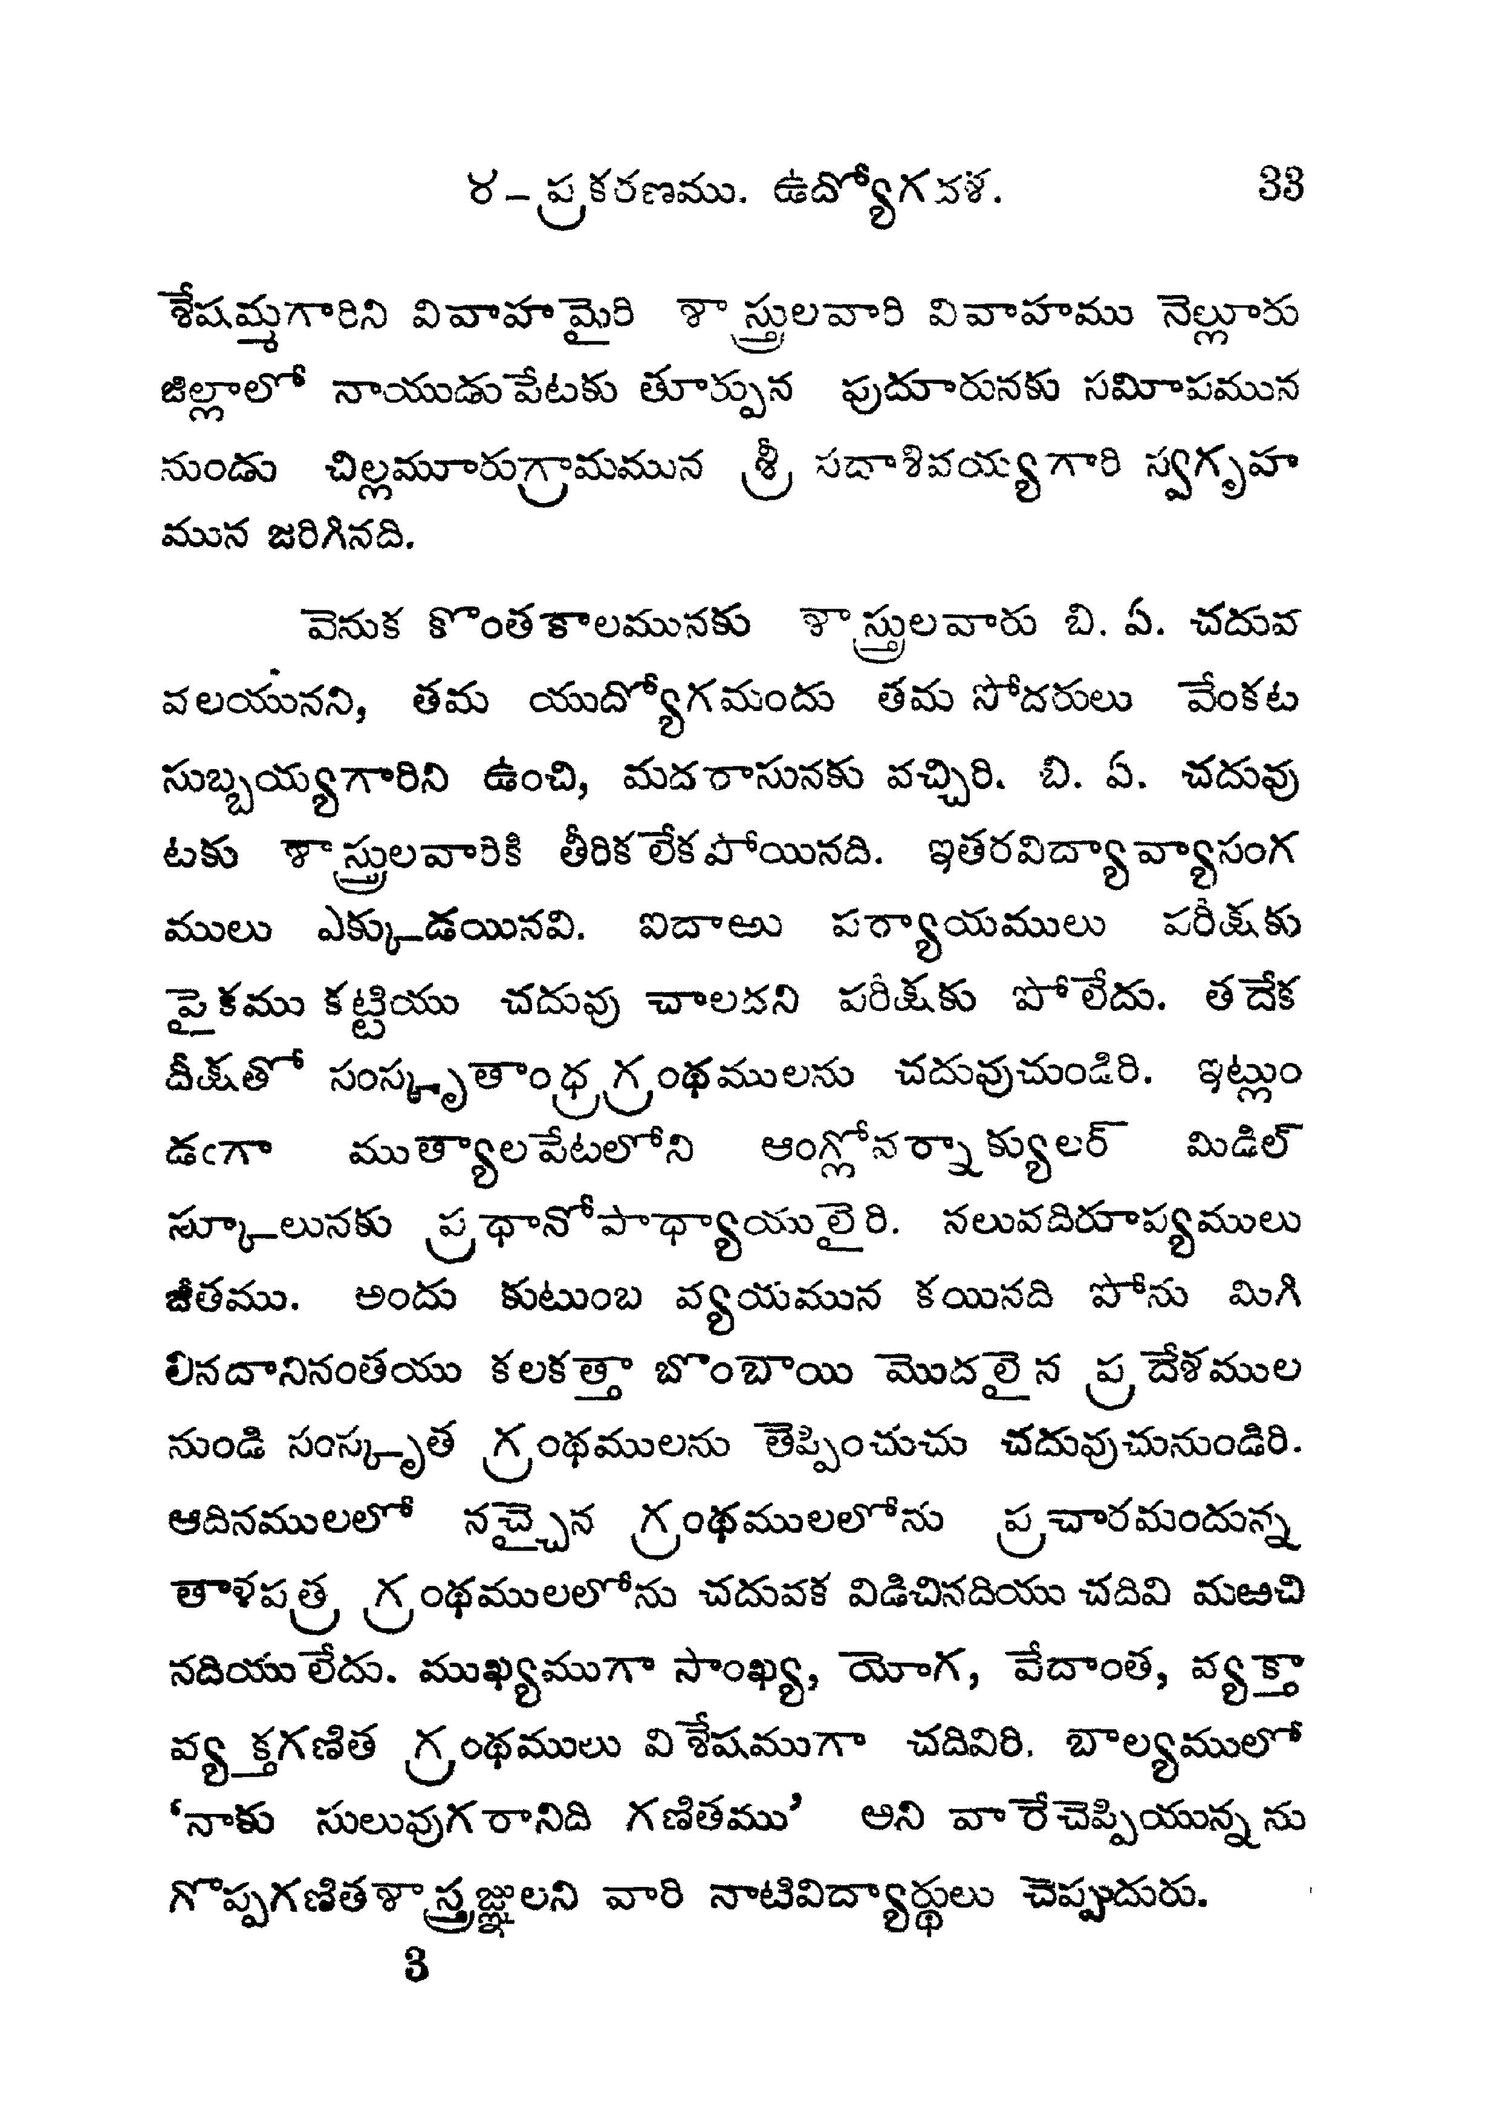శేషమ్మగారిని వివాహమైరి శాస్త్రులవారి వివాహము నెల్లూరు జిల్లాలో నాయుడుపేటకు తూర్పున పుదూరునకు సమీపమున నుండు చిల్లమూరుగ్రామమున శ్రీ సదాశివయ్యగారి స్వగృహమున జరిగినది.

వెనుక కొంతకాలమునకు శాస్త్రులవారు బి.ఏ. చదువ వలయునని, తమ యుద్యోగమందు తమ సోదరులు వేంకటసుబ్బయ్యగారిని ఉంచి, మదరాసునకు వచ్చిరి. బి.ఏ. చదువుటకు శాస్త్రులవారికి తీరికలేకపోయినది. ఇతరవిద్యావ్యాసంగములు ఎక్కుడయినవి. ఐదాఱు పర్యాయములు పరీక్షకు పైకము కట్టియు చదువు చాలదని పరీక్షకు పోలేదు. తదేక దీక్షతో సంస్కృతాంధ్రగ్రంథములను చదువుచుండిరి. ఇట్లుండగా ముత్యాలపేటలోని ఆంగ్లోవర్నాక్యులర్ మిడిల్ స్కూలునకు ప్రథానోపాథ్యాయులైరి. నలువదిరూప్యములు జీతము. అందు కుటుంబ వ్యయమున కయినది పోను మిగిలినదానినంతయు కలకత్తా బొంబాయి మొదలైన ప్రదేశముల నుండి సంస్కృత గ్రంథములను తెప్పించుచు చదువుచుండిరి. ఆదినములలో నచ్చైన గ్రంథములలోను ప్రచారమందున్న తాళపత్ర గ్రంథములలోను చదువక విడిచినదియు చదివి మఱచినదియులేదు. ముఖ్యముగా సాంఖ్య, యోగ, వేదాంత, వ్యక్తావ్యక్తగణిత గ్రంథములు విశేషముగా చదివిరి. బాల్యములో 'నాకు సులువుగరానిది గణితము' అని వారేచెప్పియున్నను గొప్పగణితశాస్త్రజ్ఞులని వారి నాటివిద్యార్థులు చెప్పుదురు.